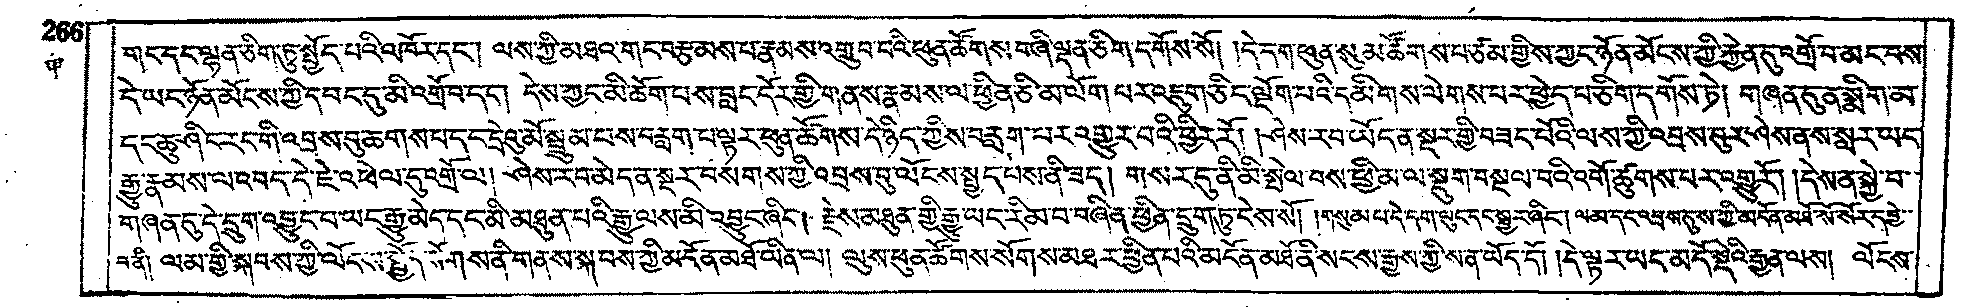གང་དང་ལྷན་ཅིག་ཏུ་སྤྱོད་པའི་འཁོར་དང་། ལས་ཀྱི་མཐའ་གང་བརྩམས་པ་རྣམས་འགྲུབ་པའི་ཕུན་ཚོགས་བཞི་ལྡན་ཅིག་དགོས་སོ། །དེ་དག་ཕུན་སུམ་ཚོགས་པ་ཙམ་གྱིས་ཀྱང་ཉོན་མོངས་ཀྱི་རྐྱེན་དུ་འགྲོ་བ་མང་བས་
དེ་ཡང་ཉོན་མོངས་ཀྱི་དབང་དུ་མི་འགྲོ་བ་དང་། དེས་ཀྱང་མི་ཆོག་པས་བླང་དོར་གྱི་གནས་རྣམས་ལ་ཕྱིན་ཅི་མ་ལོག་པར་འཇུག་ཅིང་ལྡོག་པའི་དམིགས་ལེགས་པར་ཕྱེད་པ་ཅིག་དགོས་ཏེ། གཞན་དུ་ན་སྨིག་མ་
དང་ཆུ་ཤིང་རང་གི་འབྲས་བུ་ཆགས་པ་དང་དྲེའུ་མོ་སྦྲུམ་པས་བརླག་པ་ལྟར་ཕུན་ཚོགས་དེ་ཉིད་ཀྱིས་བརླག་པར་འགྱུར་བའི་ཕྱིར་རོ། །ཤེས་རབ་ཡོད་ན་སྔར་གྱི་བཟང་པོའི་ལས་ཀྱི་འབྲས་བུར་ཤེས་ནས་སླར་ཡང་
རྒྱུ་རྣམས་ལ་འབད་དེ་ཇེ་འཕེལ་དུ་འགྲོ་ལ། ཤེས་རབ་མེད་ན་སྔར་བསགས་ཀྱི་འབྲས་བུ་ལོངས་སྤྱད་པས་ནི་ཟད། གསར་དུ་ནི་མི་སྤེལ་བས་ཕྱི་མ་ལ་སྡུག་བསྔལ་བའི་འགོ་ཚུགས་པར་འགྱུ་རོ། །དེས་ན་སྐྱེ་བ་
གཞན་དུ་དེ་དྲུག་འབྱུང་བ་ཡང་རྒྱུ་མེད་དང་མི་མཐུན་པའི་རྒྱུ་ལས་མི་འབྱུང་ཞིང་། རྗེས་མཐུན་གྱི་རྒྱུ་ཡང་རིམ་པ་བཞིན་ཕྱིན་དྲུག་ཏུ་ངེས་སོ། །གསུམ་པ་དེ་དག་ལུང་དང་སྦྱར་ཞིང་། ལམ་དང་འབྲས་དུས་ཀྱི་མངོན་མཐོ་སོ་སོར་དབྱེ་
བ་ནི། ལམ་གྱི་སྐབས་ཀྱི་ལོངས་སྤྱོད་སོགས་ནི་གནས་སྐབས་ཀྱི་མངོན་མཐོ་ཡིན་ལ། ལུས་ཕུན་ཚོགས་སོགས་མཐར་ཕྱིན་པའི་མངོན་མཐོ་ནི་སངས་རྒྱས་ཀྱི་ས་ན་ཡོད་དོ། །དེ་ལྟར་ཡང་མདོ་སྡེའི་རྒྱན་ལས། ལོངས་